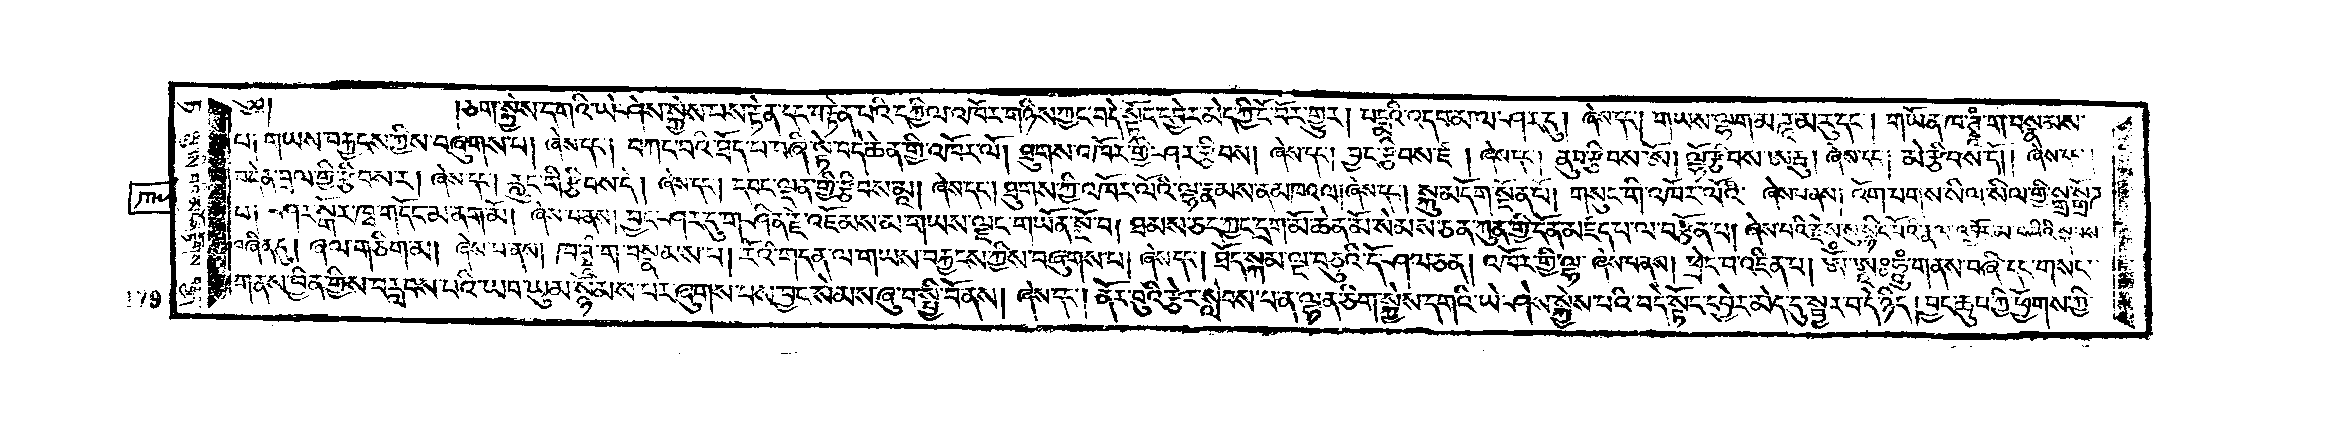༄༅། །ཅིག་སྐྱེས་དགའི་ཡེ་ཤེས་སྐྱེས་པས་རྟེན་དང་བརྟེན་པའི་དཀྱིལ་འཁོར་གཉིས་ཀྱང་བདེ་སྟོང་དབྱེར་མེད་ཀྱི་ངོ་བོར་གྱུར། པདམའི་འདབ་མ་ལ་ཤར་དུ། ཞེས་དང་།  གཡས་ལྷག་མ་ཌཱ་མ་རུ་དང་། གཡོན་ཁ་ཊྭཱཾ་ག་བསྣམས་
པ། གཡས་བརྐྱངས་ཀྱིས་བཞུགས་པ། ཞེས་དང་།  བཀང་བའི་ཐོད་པ་བཞི་སྟེ་བདེ་ཆེན་གྱི་འཁོར་ལོ། ཐུགས་འཁོར་གྱི་ཤར་རྩིབས། ཞེས་དང་།  བྱང་རྩིབས་ཛ། ཞེས་དང་།  ནུབ་རྩིབས་ཨོ། ལྷོ་རྩིབས་ཨརྦུ། ཞེས་དང་།  མེ་རྩིབས་གོ། ཞེས་དང་།
བདེན་བྲལ་གྱི་རྩིབས་ར། ཞེས་དང་།  རླུང་གི་རྩིབས་དེ། ཞེས་དང་།  དབང་ལྡན་གྱི་རྩིབས་མཱ། ཞེས་དང་།  ཐུགས་ཀྱི་འཁོར་ལོའི་ལྷ་རྣམས་ནམ་མཁའ་ལ། ཞེས་དང་།  སྐུ་མདོག་སྔོན་པོ། གསུང་གི་འཁོར་ལོའི་ཞེས་པ་ནས།  འོག་པགས་སིལ་སིལ་གྱི་སྒྲ་སྒྲོགས་
པ། ཤར་སྒོར་ཁྭ་གདོང་མ་ནག་མོ། ཞེས་པ་ནས།  བྱང་ཤར་དུ་གཤིན་རྗེ་འཇོམས་མ་གཡས་ལྗང་གཡོན་སྔོ་བ། ཐམས་ཅད་ཀྱང་དྲག་མོ་ཆེན་མོ་སེམས་ཅན་ཀུན་གྱི་དོན་མཛད་པ་ལ་བརྩོན་པ། ཞེས་པའི་རྗེས་སུ་སྙིང་པོའི་རྣལ་འབྱོར་མ་བཞིའི་སྐབས་
བཞིན་དུ། ཞལ་གཅིག་མ། ཞེས་པ་ནས།  ཁ་ཊྭཱཾ་ག་བསྣམས་པ། རོའི་གདན་ལ་གཡས་བརྐྱངས་ཀྱིས་བཞུགས་པ། ཞེས་དང་།  ཐོད་སྐམ་ལྔ་བཅུའི་དོ་ཤལ་ཅན། འཁོར་གྱི་ལྷ་ཞེས་པ་ནས།  ཕྲེང་བ་འཛིན་པ། ཨོཾ་ཨཱཿ ཧཱུཾ་གནས་བཞི་དང་གསང་
གནས་བྱིན་གྱིས་བརླབས་པའི་ཡབ་ཡུམ་སྙོམས་པར་ཞུགས་པས་བྱང་སེམས་ཞུ་བ་སྤྱི་བོ་ནས། ཞེས་དང་།  ནོར་བུའི་རྩེར་སླེབས་པ་ན་ལྷན་ཅིག་སྐྱེས་དགའི་ཡེ་ཤེས་སྐྱེས་པའི་བདེ་སྟོང་དབྱེར་མེད་དུ་སྦྱར་བ་དེ་ཉིད། བྱང་ཆུབ་ཀྱི་ཕྱོགས་ཀྱི་